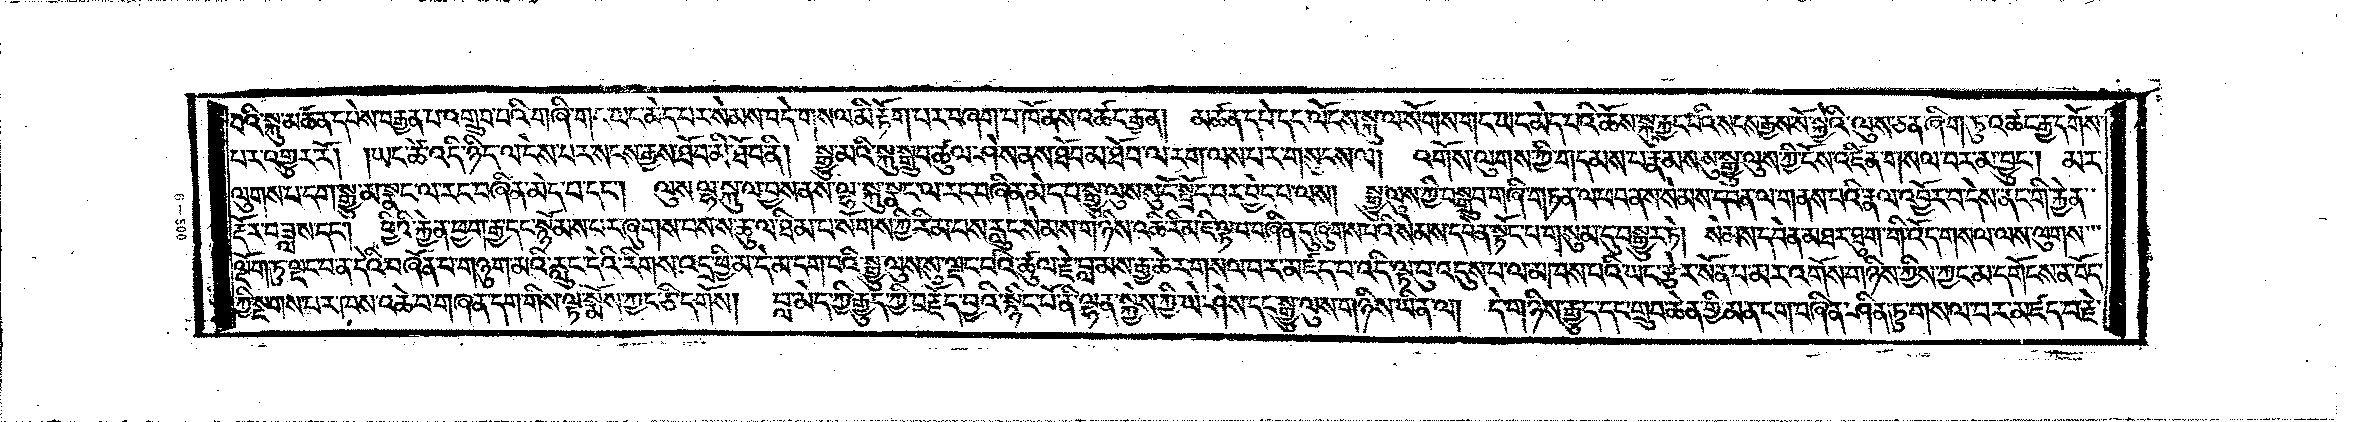བའི་སྐུ་མཆོད་དཔེས་བརྒྱན་པ་འགྲུབ་བའི་གཞི་གང་ཡང་མེད་པར་སེམས་བདེ་གསལ་མི་རྟོག་པར་བཞག་པ་ཁོ་ནས་འཚང་རྒྱ་ན། མཚན་དཔེ་དང་ལོངས་སྐུ་ལ་སོགས་གང་ཡང་མེད་པའི་ཆོས་སྐུ་རྐྱང་བའི་སངས་རྒྱས་སོ་སྐྱེའི་ལུས་ཅན་ཞིག་ཏུ་འཚང་རྒྱ་དགོས་
པར་འགྱུར་རོ། ། ཡང་ཚེ་འདི་ཉིད་ལ་ངེས་པར་སངས་རྒྱས་ཐོབ་མི་ཐོབ་ནི། སྒྱུ་མའི་སྐུ་སྒྲུབ་ཚུལ་ཤེས་ནས་ཐོབ་མ་ཐོབ་ལ་རག་ལས་པར་གསུངས་ལ། འགོས་ལུགས་ཀྱི་གདམས་པ་རྣམས་སུ་སྒྱུ་ལུས་ཀྱི་ངོས་འཛིན་གསལ་བར་མ་བྱུང་། མར་
ལུགས་པ་དག་སྒྱུ་མ་སྣང་ལ་རང་བཞིན་མེད་པ་དང་། ལུས་ལྷ་སྐུ་ལ་བྱས་ནས་ལྷ་སྐུ་སྣང་ལ་རང་བཞིན་མེད་པ་སྒྱུ་ལུས་སུ་ངོ་སྤྲོད་པར་བྱེད་པ་ལས། སྒྱུ་ལུས་ཀྱི་བསྒྲུབ་གཞི་གཏན་ལ་ཕབ་ནས་སེམས་དབེན་ལ་གནས་པའི་རྣལ་འབྱོར་བ་དེས་ནང་གི་རྐྱེན་
རྡོར་བཟླས་དང་། ཕྱིའི་རྐྱེན་ཕྱག་རྒྱ་དང་སྙོམས་པར་ཞུགས་པས་ས་ཆུ་ལ་ཐིམ་པ་སོགས་ཀྱི་རིམ་པས་རླུང་སེམས་གཉིས་འཆི་རིམ་ཇི་ལྟ་བ་བཞིན་དུ་ཞུགས་པའི་སེམས་དབེན་སྟོང་པ་གསུམ་དུ་བསྒྱུར་ཏེ། སེམས་དབེན་མཐར་ཐུག་གི་འོད་གསལ་ལས་ལུགས་
ལྡོག་ཏུ་ལྡང་བ་ན་དེའི་བཞོན་པ་གཉུག་མའི་རླུང་དེའི་རིགས་འདྲ་ཕྱི་མ་དེ་མ་དག་པའི་སྒྱུ་ལུས་སུ་ལྡང་བའི་ཚུལ་རྗེ་བླ་མས་རྒྱ་ཆེར་གསལ་བར་མཛད་པ་འདི་ལྟ་བུ་འདུས་པ་ལ་མཁས་པའི་ཡང་རྩེར་སོན་པ་མར་འགོས་གཉིས་ཀྱིས་ཀྱང་མ་དགོངས་ན་བོད་
ཀྱི་སྔགས་པར་ཁས་འཆེ་བ་གཞན་དག་གིས་ལྟ་སྨོས་ཀྱང་ཅི་དགོས། བླ་མེད་ཀྱི་རྒྱུད་ཀྱི་བརྗོད་བྱའི་སྙིང་པོ་ནི་ལྷན་སྐྱེས་ཀྱི་ཡེ་ཤེས་དང་སྒྱུ་ལུས་གཉིས་ཡིན་ལ། དེ་གཉིས་རྒྱུད་དང་གྲུབ་ཆེན་གྱི་མན་ངག་བཞིན་ཤིན་ཏུ་གསལ་བར་མཛད་བརྗེ་